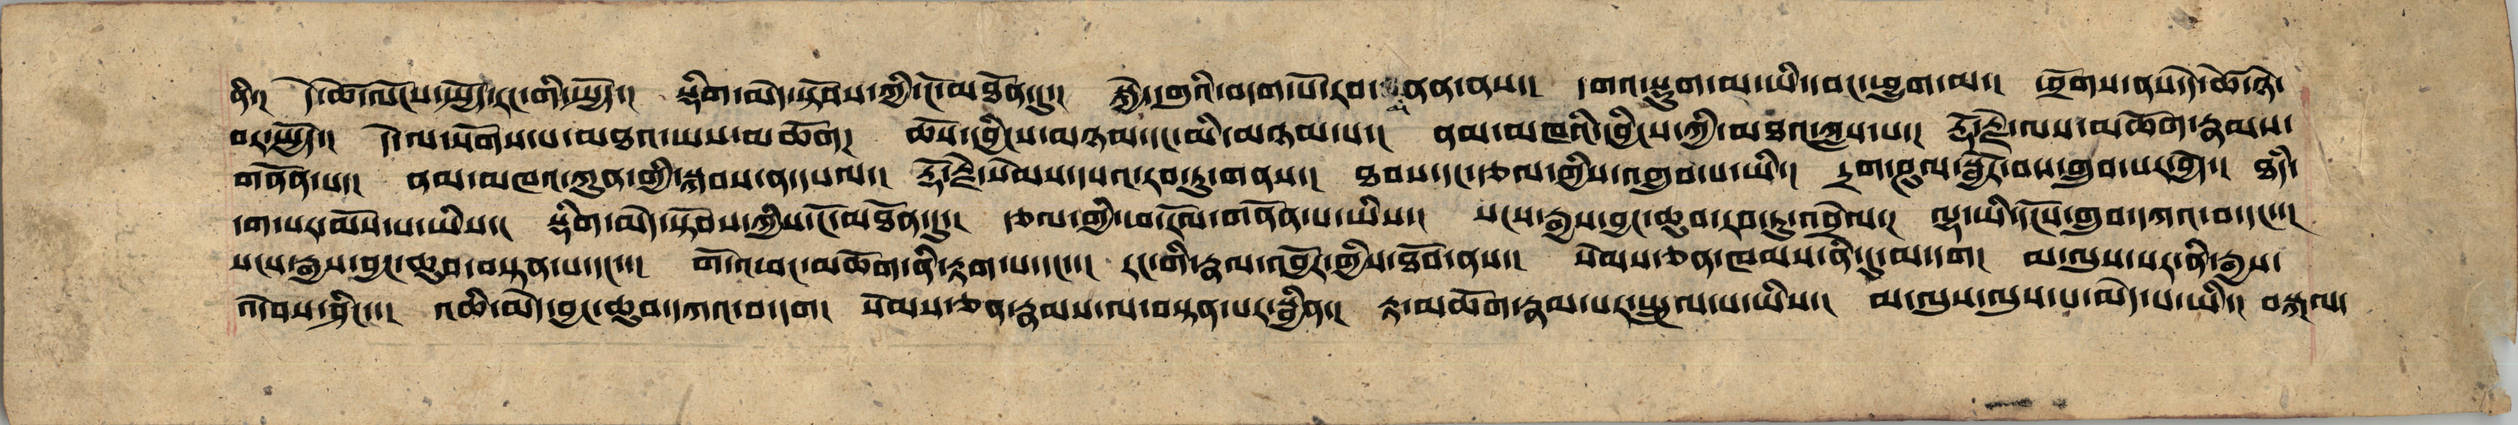ནི༑ དེ་ཚེ་ལོངས་སྤྱོད་རང་གི་སྤྱོད་། སྡིག་མེད་སྟོབས་ཀྱི་ངོ་མཐོན་དུ་། སྐྱེ་དགུའི་བདག་པོ་རབ་མནན་ནས་། དགའ་སྡུག་མ་ཡི་དབང་ཕྱུག་མ་། ཕྲོགས་ནས་དེ་ཚེ་ཉེ་
བར་སྤྱོད་། དེ་ལ་སོགས་པ་མཐའ་ཡས་མཆོག། ཆོས་དབྱིངས་མཉམ་དང་མི་མཉམ་པ་། ནམ་མཁའི་དབྱིངས་ཀྱི་མཐའ་ཀླས་པ་། རྡོ་རྗེ་ལས་མཆོག་རྣམས་
གནོན་པ་། ནམ་མཁའ་ཀུན་གྱི་སྐབས་ན་དཔལ་། རྡོ་རྗེ་སེམས་དཔའ་རབ་ཏུ་གནས་། ཐབས་དང་རྩལ་གྱིས་འགྲུབ་པ་ཡི་། དྲག་ཤུལ་སྦྱོར་བས་གྲུབ་པར་བྱེད་། ཐཾད་
དག་པར་མོས་པ་ཡིས་། སྡིག་མེད་སྟོབས་ཀྱིས་ངོ་མཐོན་དུ་། རྩལ་གྱི་ཕ་རོལ་གནོན་པ་ཡིས་། སངས་རྒྱས་བྱང་ཆུབ་རབ་ཏུ་འབྲེལ་། ལྷ་ཡི་དངོས་གྲུབ་དཀའ་བ་དང་་།
སངས་རྒྱས་བྱང་ཆུབ་བསྟན་པ་དང་་། གོ་འཕང་མཆོག་ནི་རྟག་པ་དང་་། རང་གི་རྣལ་འབྱོར་གྱིས་ཐོབ་ནས་། སེམས་ཅན་ཁམས་ནི་དུ་མ་དག། མ་ལུས་སར་ནི་རྒྱས་
འདེབས་ཤིང་་། འཆི་མེད་བྱང་ཆུབ་དཀའ་བ་དག། སེམས་ཅན་རྣམས་ལ་བསྟན་པར་སྦྱིན་། རྟ་མཆོག་རྣམ་པར་སྤྲུལ་པ་ཡིས་། མ་ལུས་ལུས་པ་མེད་པ་ཡི་། བསྐལ་